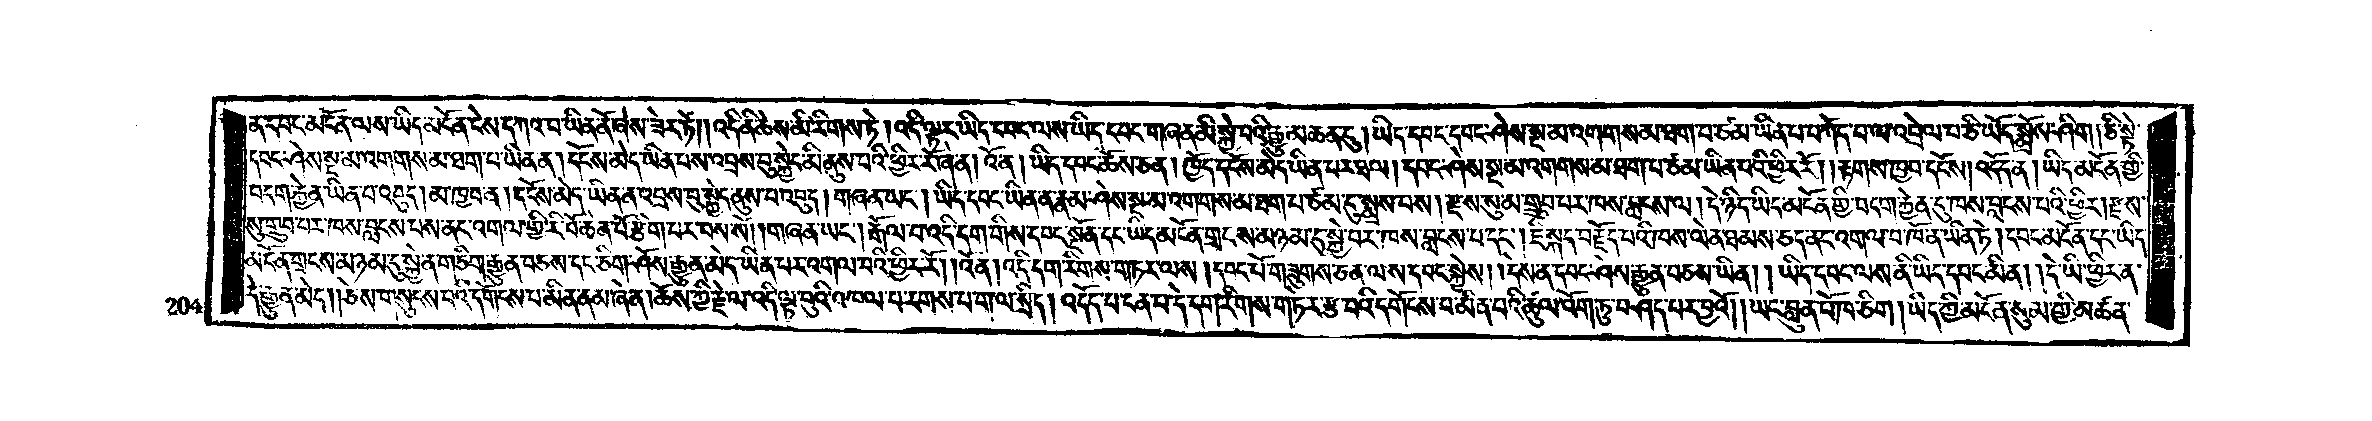ན་དབང་མངོན་ལས་ཡིད་མངོན་ངེས་དཀའ་བ་ཡིན་ནོ་ཞེས་ཟེར་ཏོ། །འདི་ནི་ཆེས་མི་རིགས་ཏེ། འདི་ལྟར་ཡིད་དབང་ལས་ཡིད་དབང་གཞན་མི་སྐྱེ་བའི་རྒྱུ་མཚན་དུ། ཡིད་དབང་དབང་ཤེས་སྔ་མ་འགགས་མ་ཐག་པ་ཙམ་ཡིན་པ་བཀོད་པ་ལ་འབྲེལ་པ་ཅི་ཡོད་སྨྲོས་ཤིག །ཅི་སྟེ་
དབང་ཤེས་སྔ་མ་འགགས་མ་ཐག་པ་ཡིན་ན། དངོས་མེད་ཡིན་པས་འབྲས་བུ་སྐྱེད་མི་ནུས་པའི་ཕྱིར་རོ་ཞེ་ན། འོ་ན། ཡིད་དབང་ཆོས་ཅན། ཁྱོད་དངོས་མེད་ཡིན་པར་ཐལ། དབང་ཤེས་སྔ་མ་འགགས་མ་ཐག་པ་ཙམ་ཡིན་པའི་ཕྱིར་རོ། །རྟགས་ཁྱབ་དངོས། འདོད་ན། ཡིད་མངོན་གྱི་
བདག་རྐྱེན་ཡིན་པ་འབུད། མ་ཁྱབ་ན། དངོས་མེད་ཡིན་ན་འབྲས་བུ་སྐྱེད་ནུས་པ་འབུད། གཞན་ཡང་། ཡིད་དབང་ཡིན་ན་རྣམ་ཤེས་སྔ་མ་འགགས་མ་ཐག་པ་ཙམ་དུ་སྨྲས་པས། རྫས་སུ་མ་གྲུབ་པར་ཁས་བླངས་ལ། དེ་ཉིད་ཡིད་མངོན་གྱི་བདག་རྐྱེན་དུ་ཁས་བླངས་པའི་ཕྱིར། རྫས་
སུ་གྲུབ་པར་ཁས་བླངས་པས་ནང་འགལ་གྱི་རི་བོ་ཆེན་པོ་རྩིག་པར་བས་སོ། །གཞན་ཡང་། རྒོལ་བ་འདི་དག་གིས་དབང་སྔོན་དང་ཡིད་མངོན་གྲངས་མཉམ་དུ་སྐྱེ་བར་ཁས་བླངས་པ་དང་། ཇི་སྐད་བརྗོད་པའི་ཁས་ལེན་ཐམས་ཅད་ནང་འགལ་བ་ཁོ་ན་ཡིན་ཏེ། དབང་མངོན་དང་ཡིད་
མངོན་གྲངས་མཉམ་དུ་སྐྱེ་ན་གཅིག་རྒྱུན་བཅས་དང་ཅིག་ཤོས་རྒྱུན་མེད་ཡིན་པར་འགལ་བའི་ཕྱིར་རོ། །འོ་ན། འདི་དག་རིགས་གཏེར་ལས། དབང་པོ་གཟུགས་ཅན་ལས་དབང་སྐྱེས། །དེས་ན་དབང་ཤེས་རྒྱུན་བཅས་ཡིན། །ཡིད་དབང་ལས་ནི་ཡིད་དབང་མིན། །དེ་ཡི་ཕྱིར་ན་
དེ་རྒྱུན་མེད། །ཅེས་གསུངས་པའི་དགོངས་པ་མིན་ནམ་ཞེ་ན། ཆོས་ཀྱི་རྗེ་ལ་འདི་ལྟ་བུའི་འཁྲུལ་པ་རགས་པ་ག་ལ་སྲིད། འདོད་པ་ངན་པ་དེ་དག་རིགས་གཏེར་རྩ་བའི་དགོངས་པ་མིན་པའི་ཚུལ་འོག་ཏུ་བཤད་པར་བྱའོ། །ཡང་བླུན་པོ་ཁ་ཅིག །ཡིད་ཀྱི་མངོན་སུམ་གྱི་མཚན་